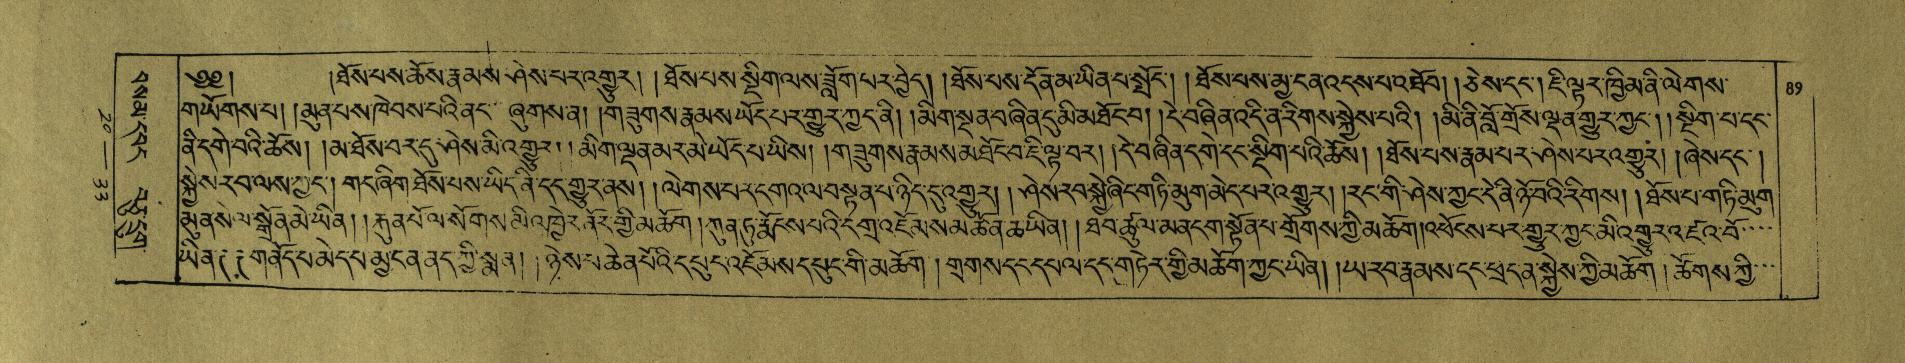༄༅། །ཐོས་པས་ཆོས་རྣམས་ཤེས་པར་འགྱུར། །ཐོས་པས་སྡིག་ལས་ཟློག་པར་བྱེད། །ཐོས་པས་དོན་མ་ཡིན་པ་སྤོང་། །ཐོས་པས་མྱ་ངན་འདས་པ་འཐོབ། །ཅེས་དང་། ཇི་ལྟར་ཁྱིམ་ནི་ལེགས་
གཡོགས་པ། །མུན་པས་ཁེབས་པའི་ནང་ཞུགས་ན། །གཟུགས་རྣམས་ཡོད་པར་གྱུར་ཀྱང་ནི། །མིག་སྔན་བཞིན་དུ་མི་མཐོང་བ། །དེ་བཞིན་འདི་ན་རིགས་སྐྱེས་པའི། །མི་ནི་བློ་གྲོས་ལྡན་གྱུར་ཀྱང་། །སྡིག་པ་དང་
ནི་དགེ་བའི་ཆོས། །མ་ཐོས་བར་དུ་ཤེས་མི་འགྱུར། །མིག་ལྡན་མར་མེ་ཡོད་པ་ཡིས། །གཟུགས་རྣམས་མཐོང་བ་ཇི་ལྟ་བར། །དེ་བཞིན་དགེ་དང་སྡིག་པའི་ཆོས། །ཐོས་པས་རྣམ་པར་ཤེས་པར་འགྱུར། །ཞེས་དང་།
སྐྱེས་རབ་ལས་ཀྱང་། གང་ཞིག་ཐོས་པས་ཡིད་ནི་དད་གྱུར་ནས། །ལེགས་པར་དགའ་ལ་བསྟན་པ་ཉིད་དུ་འགྱུར། །ཤེས་རབ་སྐྱེ་ཞིང་གཏི་མུག་མེད་པར་འགྱུར། །རང་གི་ཤེས་ཀྱང་དེ་ནི་ཉོ་བའི་རིགས། །ཐོས་པ་གཏི་མུག་
མུན་སེལ་སྒྲོན་མེ་ཡིན། །རྐུན་པོ་ལ་སོགས་མི་འཁྱེར་ནོར་གྱི་མཆོག །ཀུན་ཏུ་རྨོངས་པའི་དགྲ་འཇོམས་མཚོན་ཆ་ཡིན། །ཐབ་ཚུལ་མན་ངག་སྟོན་པ་གྲོགས་ཀྱི་མཆོག །འཕོངས་པར་གྱུར་ཀྱང་མི་འགྱུར་འཛའ་བོ་
ཡིན༑ ༑གནོད་པ་མེད་པ་མྱ་ངན་ནད་ཀྱི་སྨན། །ཉེས་པ་ཆེན་པོའི་དཔུང་འཇོམས་དཔུང་གི་མཆོག །གྲགས་དང་དཔལ་དང་གཏེར་གྱི་མཆོག་ཀྱང་ཡིན། །ཡ་རབ་རྣམས་དང་ཕྲད་ན་སྐྱེས་ཀྱི་མཆོག །ཚོགས་ཀྱི་